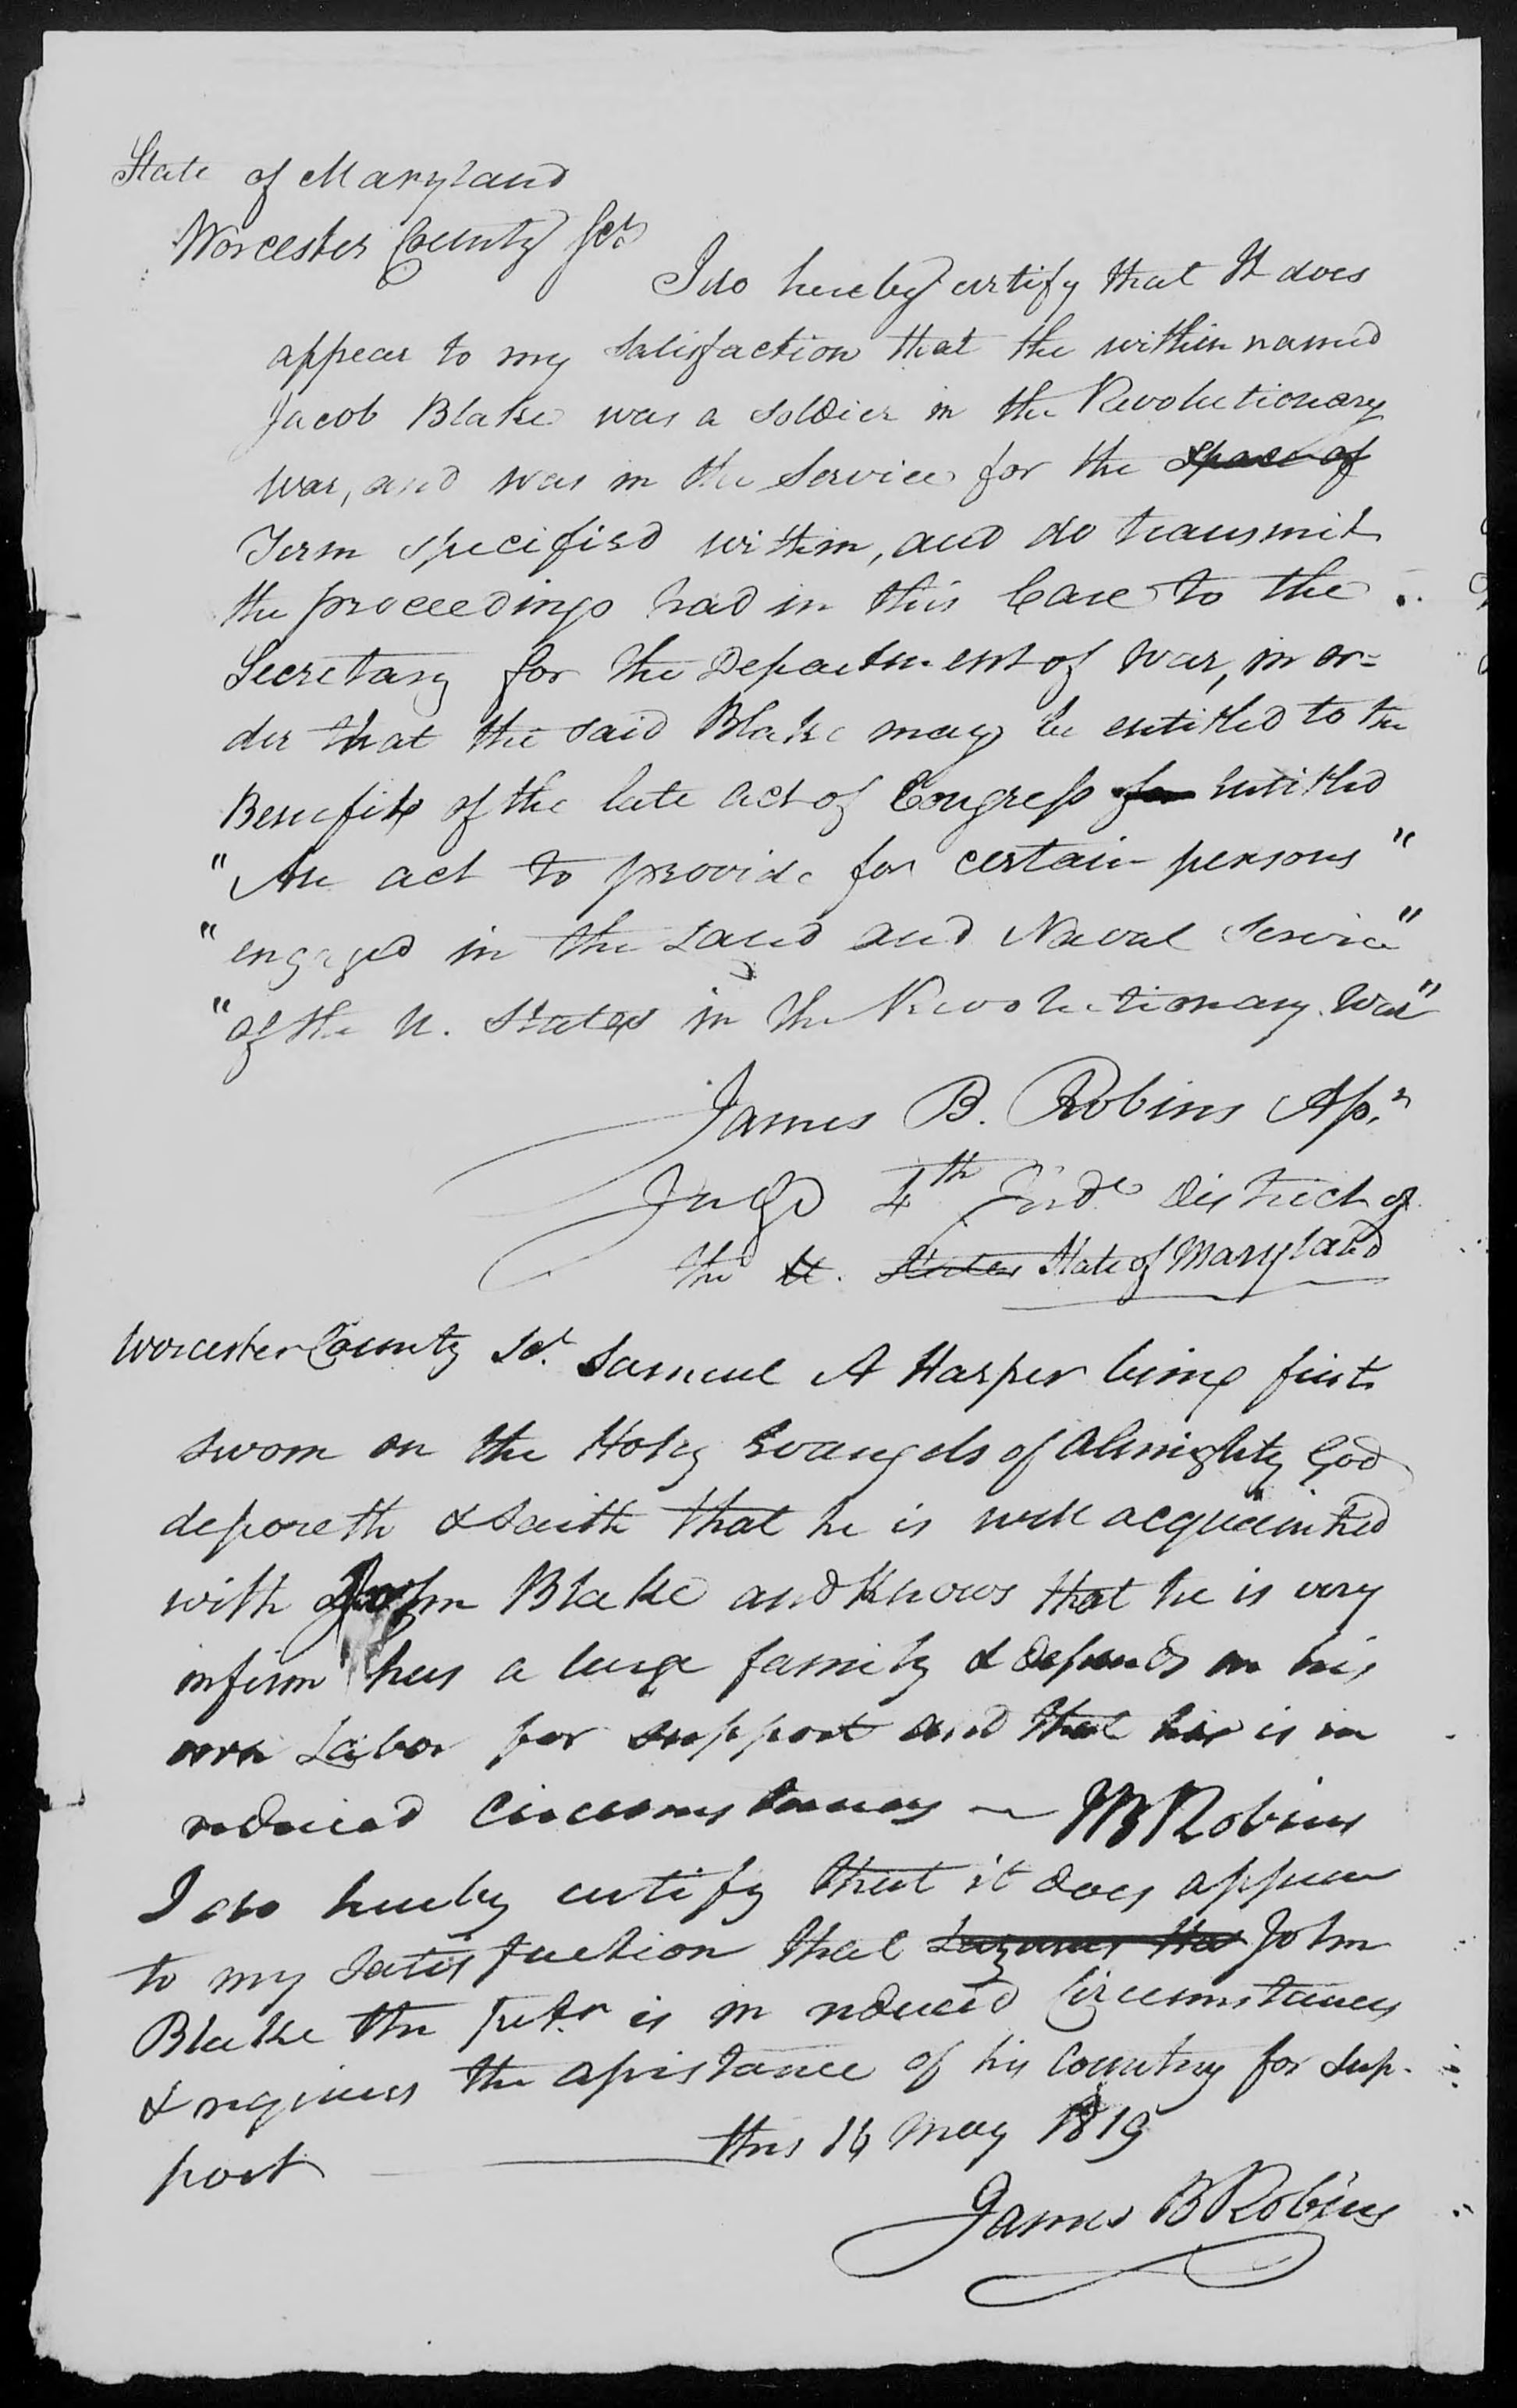State of Maryland
Worcester County

I do hereby certify that it does appear to my satisfaction that the written named Jacob Blake was a soldier in the Revolutionary War, and was on the service for the term specified written and do transmit the proceedings said in this case to the Secretary for the Department of War in order that the said Blake may be entitled to the benefit of the late act of Congress entitled "an act to provide for certain persons engaged in the land and naval service of the United States in the Revolutionary War."

James B Robins
Associated Judge 4th Judicial District of the State of Maryland

Worcester County
I Samuel A Harper being first sworn on the Holy [illegible] of Almighty God deposeth saith that he is well acquainted with John Blake and knows that he is very infirm, has a large family and depends on his labor for support and that he is in reduced circumstances. J B Robins

Also hereby certify that it does appear to omy satisfaction that John Blank the [illegible] is in reduced circumstances and requires the assistance of his country for support.

This 16 Mary 1819

James B Robins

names: Blake, J B Robins, Samuel A Harper, James B Robins, John Blake, John Blake, Jacob Blake, James B Robins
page: 5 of 18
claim: survivor's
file: S. 34654, Jacob Blake, Md.